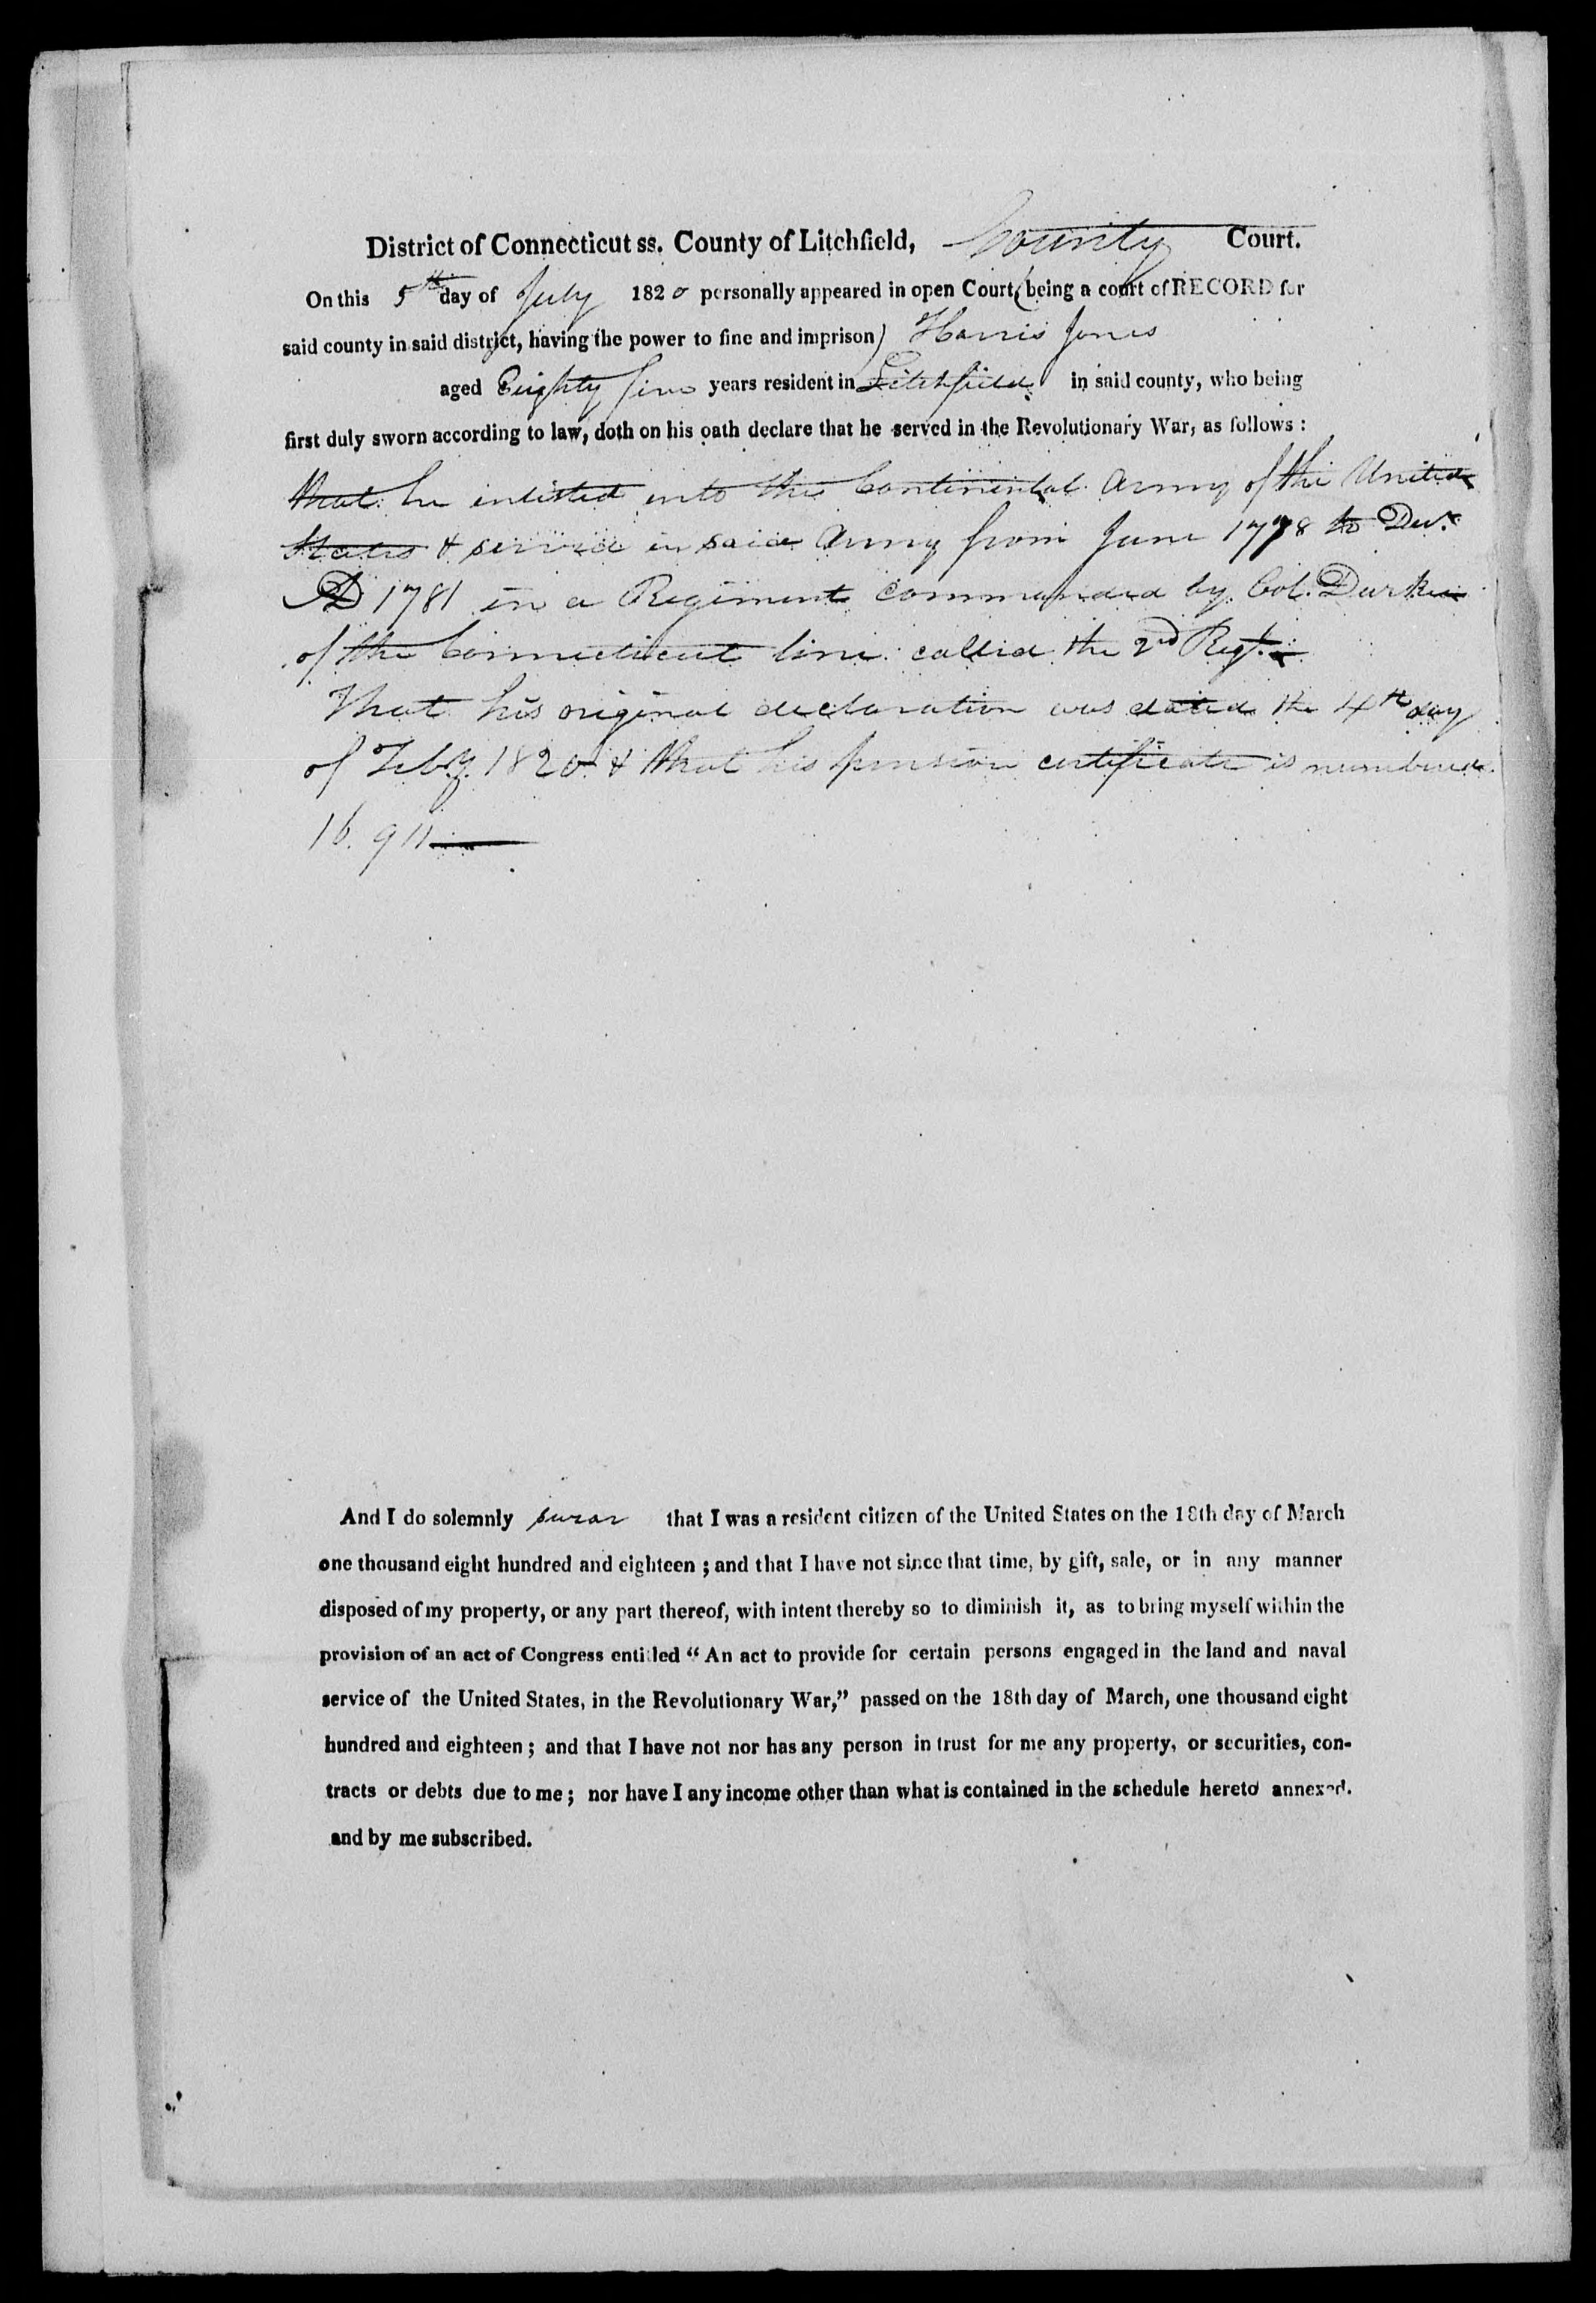District of Connecticut ss,  County of Litchfield,  County Court.  On this 5th day of July 1820 personally appeared in open Court being a court of RECORD for said county in said district, having the power to fine and imprison Harris Jones aged eighty five years resident in Litchfield in said county, who being first duly sworn according to law, both on his oath declare that he served in the Revolutionary War, as follows: he enlisted into the Continental Army of this United States & served in said army from June 1778 to Dec. 1781 in a Regiment commanded by Col. Durkee of the Connecticut line called the 2nd Regt.  That his original declaration was dated the 4th day of July 1820 & that his pension certificate is numbered 16.911.

And I do solemnly swear that I was a resident citizen of the United States on the 18th day of March one thousand eight hundred and eighteen; and that I have not since that time, by gift, sale, or in any manner disposed of my property, or any part thereof, with intent thereby so to diminish it; as to bring myself within the provision of an act of Congress entitled "An act to provide for certain persons engaged in he land and naval service of the United States, in the Revolutionary War," passed on the 18th day of March, one thousand eight hundred and eighteen; and that I have not nor has any person in trust for me any property, or securities, contracts or debts due to me; nor have I any income other than what is contained in the schedule here to annexed, and by me subscribed.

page: 4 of 11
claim: survivor's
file: S. 36655, for Harris Jones, Connecticut